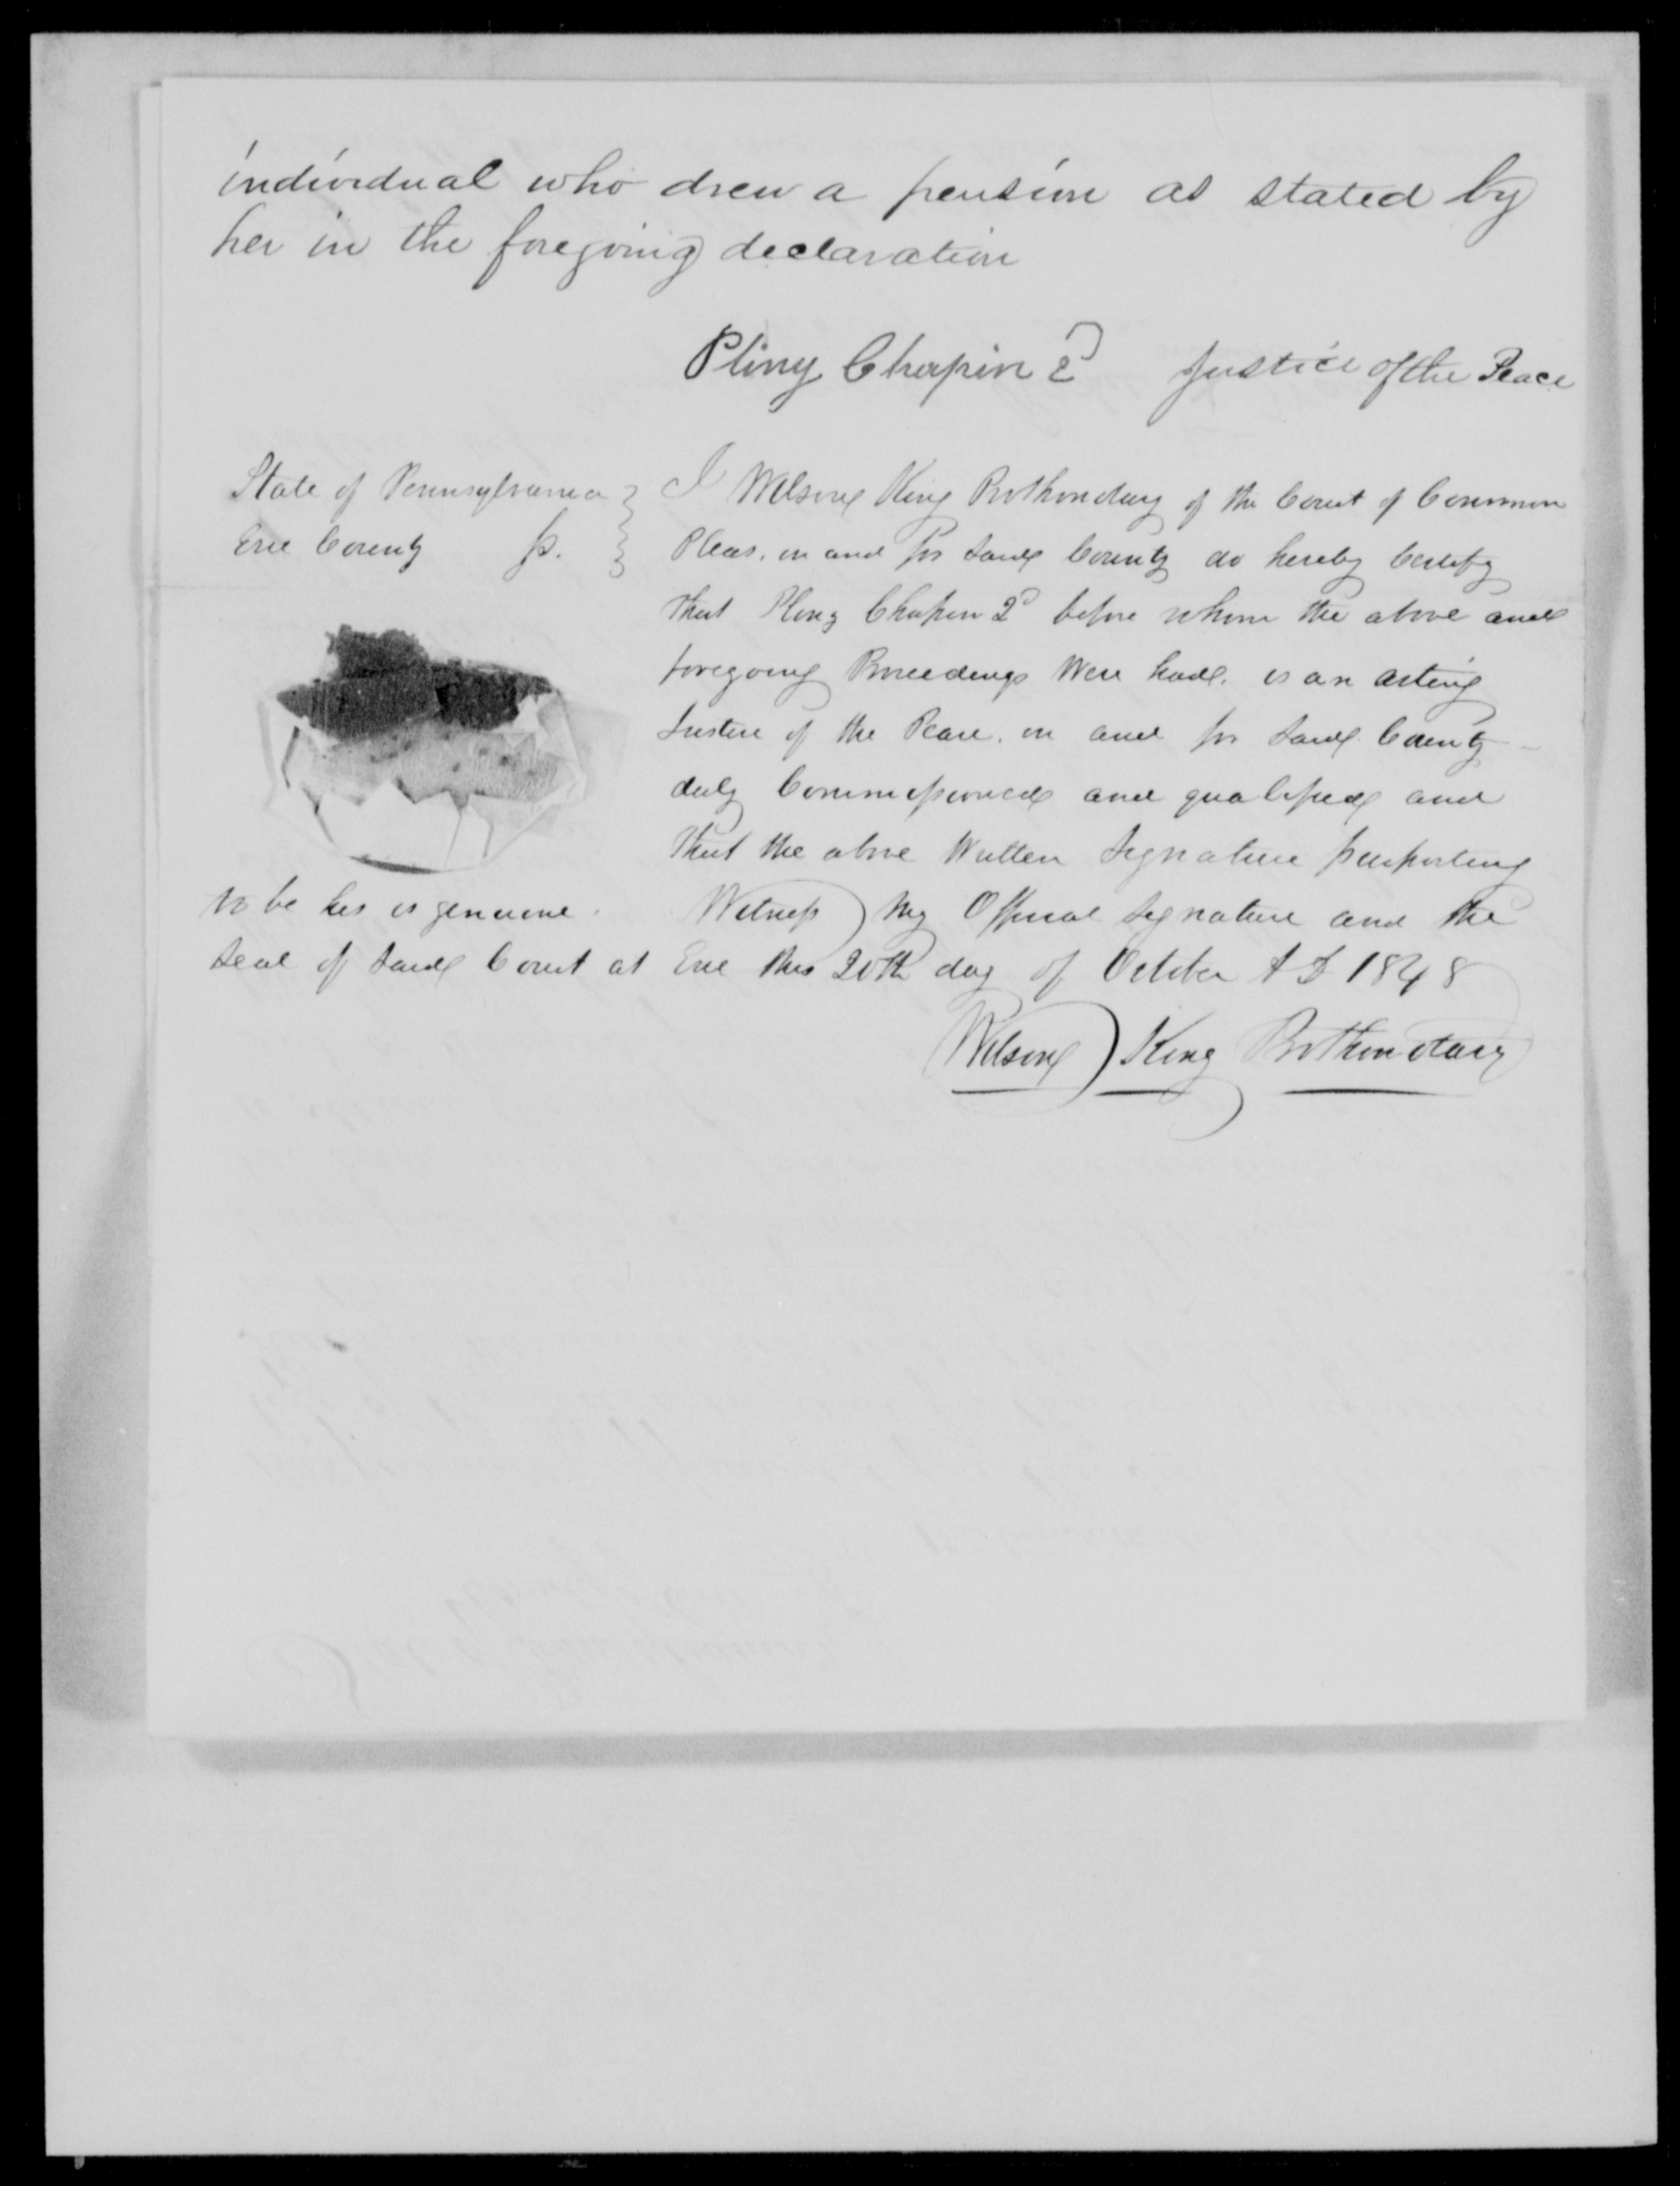individual who drew a pension as stated by 
her in the foregoing declaration

Pliny Chapin  Justice of the Peace

State of Pennsylvania}
Erie County}
I Wilson King Rothenburg of the Court of Common
Pleas, and for said County do hereby certify
that Pliny Chapin JP before when the above and
foregoing Proceedings were held, is an acting
Justice of the Peace in and for said County
duly Commissioned and qualified and
That the above written Signature purporting
to be his is genuine. Witness my official signature and the
Seal of said Court at Erie this 20th day of October AD 1848
Wilson King Rothenburg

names: Wilson King, Pliny Chapin, Wilson King, Pliny Chapin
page: 30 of 40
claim: widow's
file: W. 3742, Moses Warner, Conn.